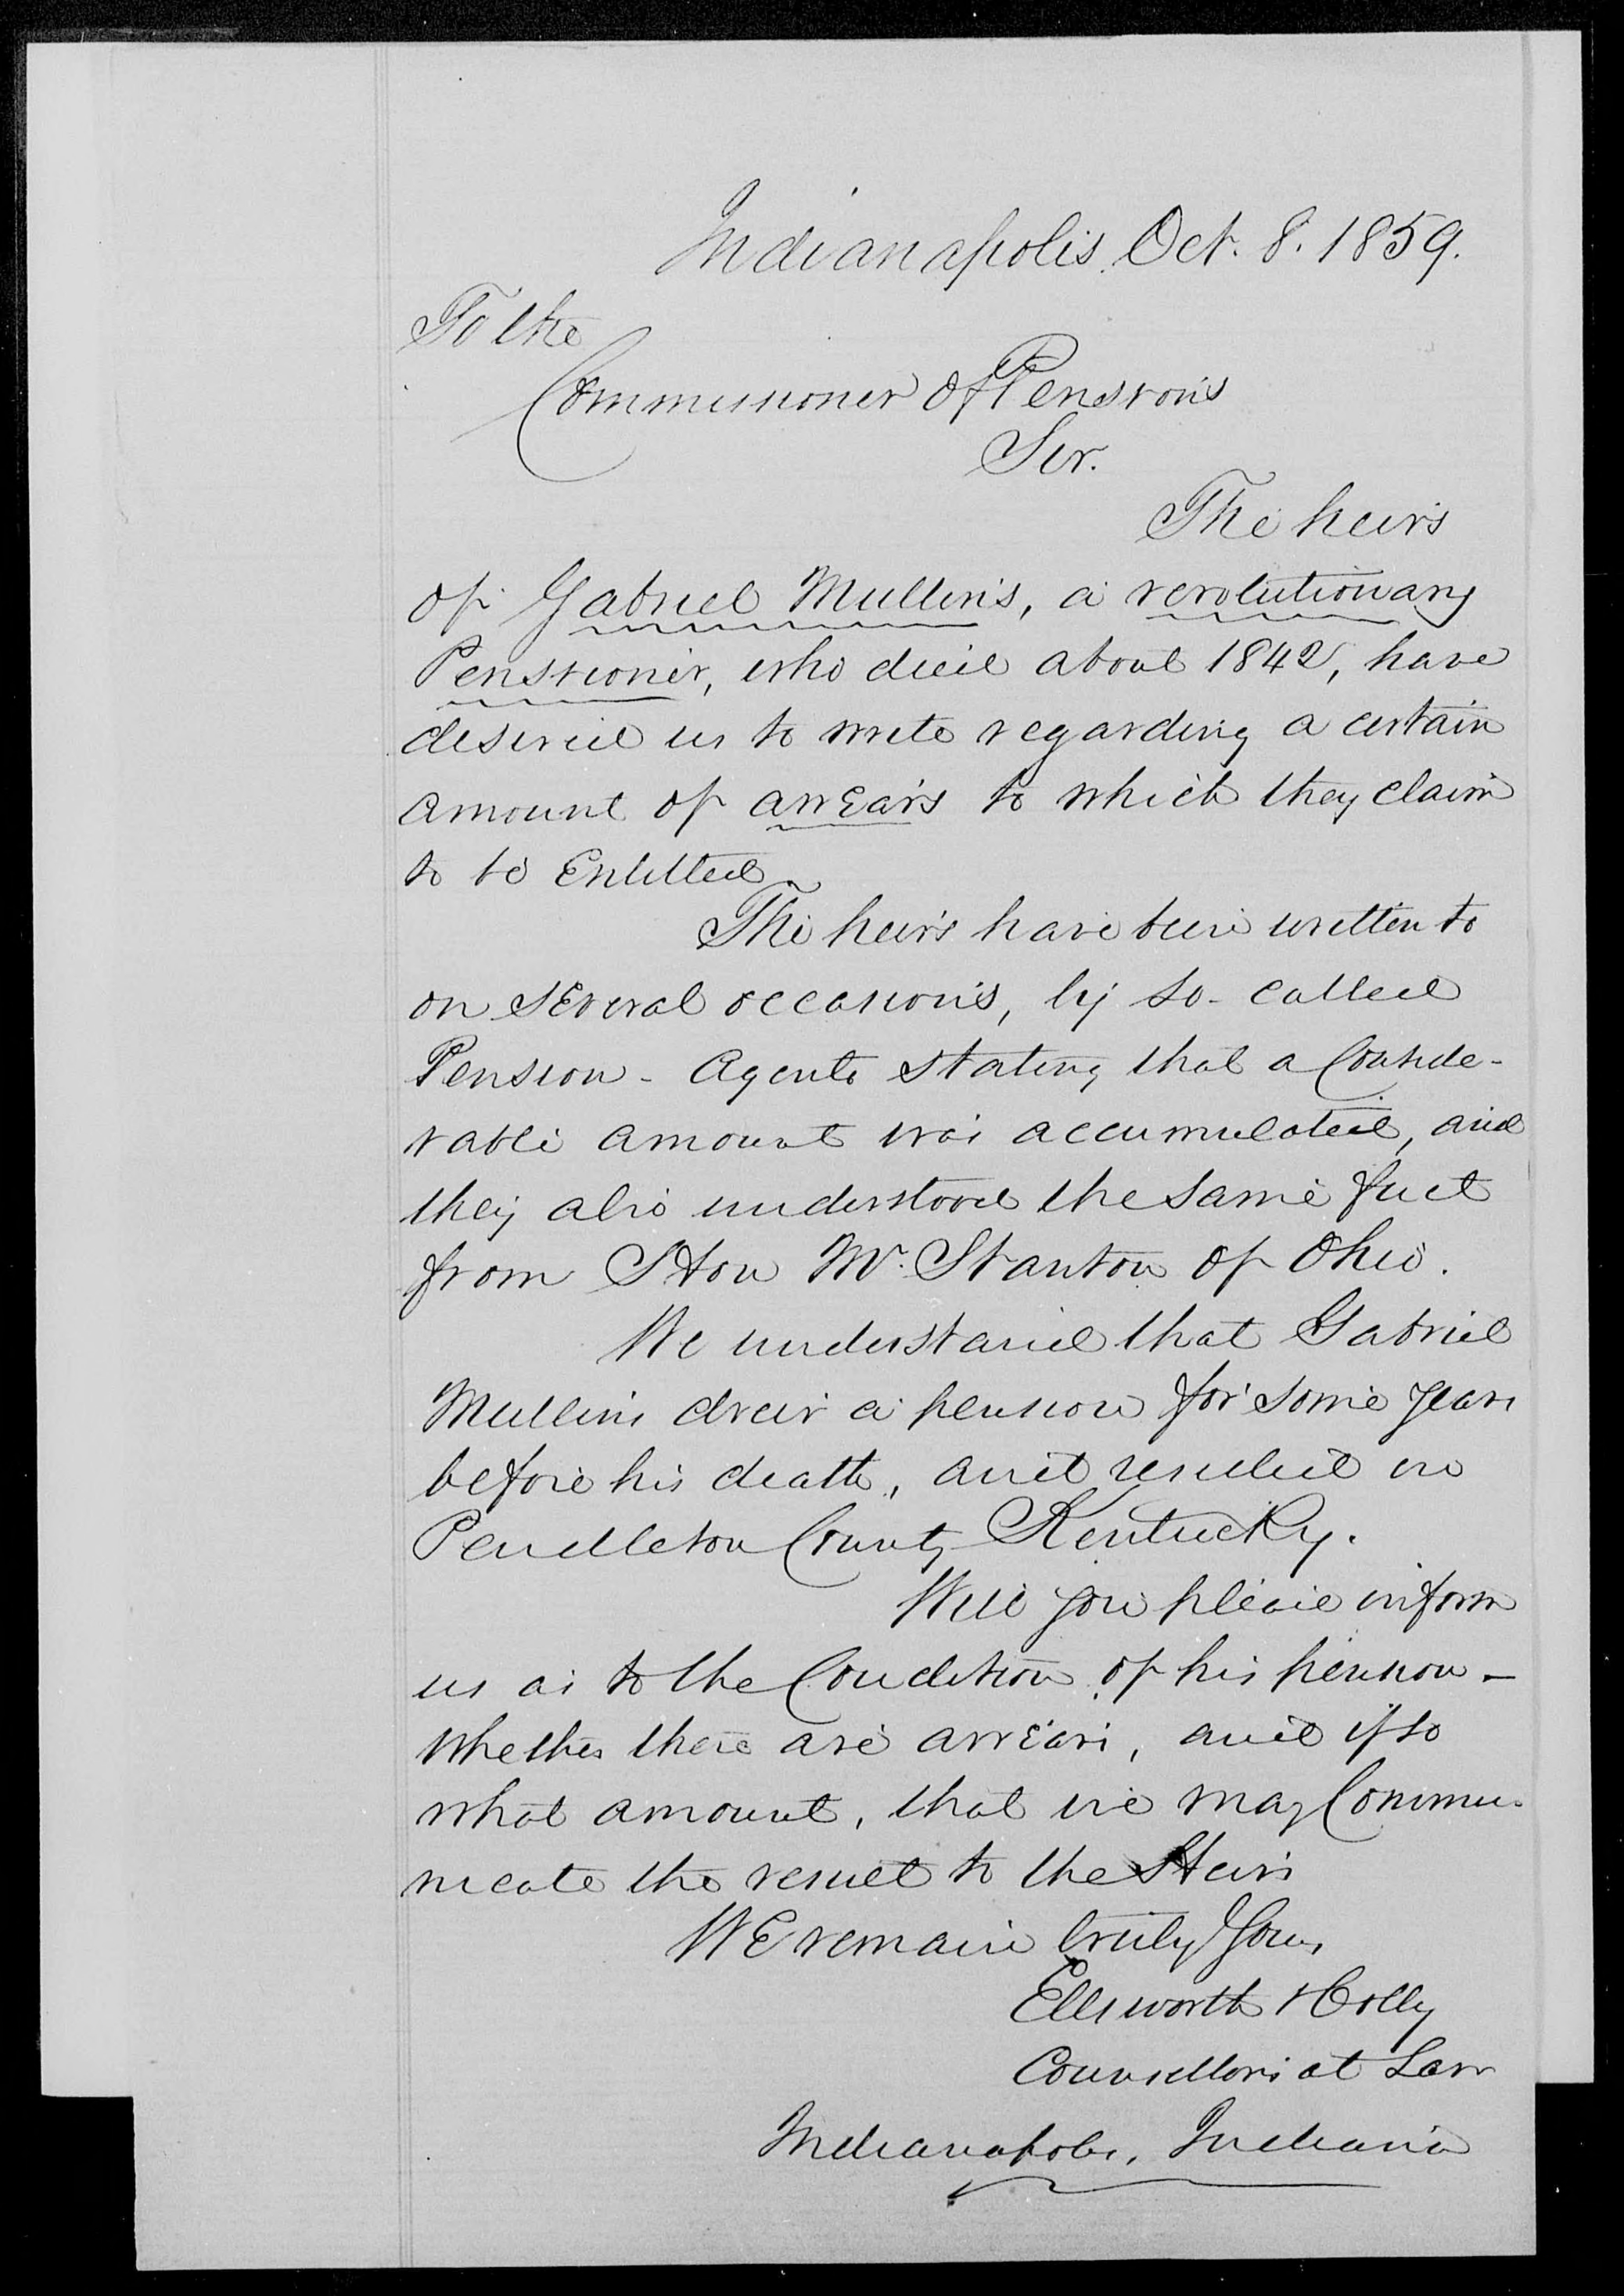Indianapolis Oct. 8. 1859.
To the
Commissioner of Pension's
Sir.
The heirs
of Gabriel Mullins, a revolutionary
Pensioner, who died about 1842, have
desired us to write regarding a certain
amount of arrears to which they claim
to be Entitled
The heirs have been written to
on several occasion's, by so-called
Pension Agent stating that a Considerable
amount was accumulated, and
they also understood the same fact
from Hon Mr Stanton of Ohio
We understand that Gabriel
Mullins drew a pension for some years
before his death, and resided on
Pendleton County Kentucky
Will you please inform
us as to the Condition of his person
whether there are arrears, and if so
what amount, that we may Commu-
nicate the result to the Heirs
We remain truly Yours
Ellsworth & Colly
Counsellors at Law
Indianapolis, Indiana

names: [BLANK] Stanton; Gabriel Mullins; [BLANK] Ellsworth; [BLANK] Colby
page: 9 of 34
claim: survivor's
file: S. 30608, for Gabrel Mullins, Virginia